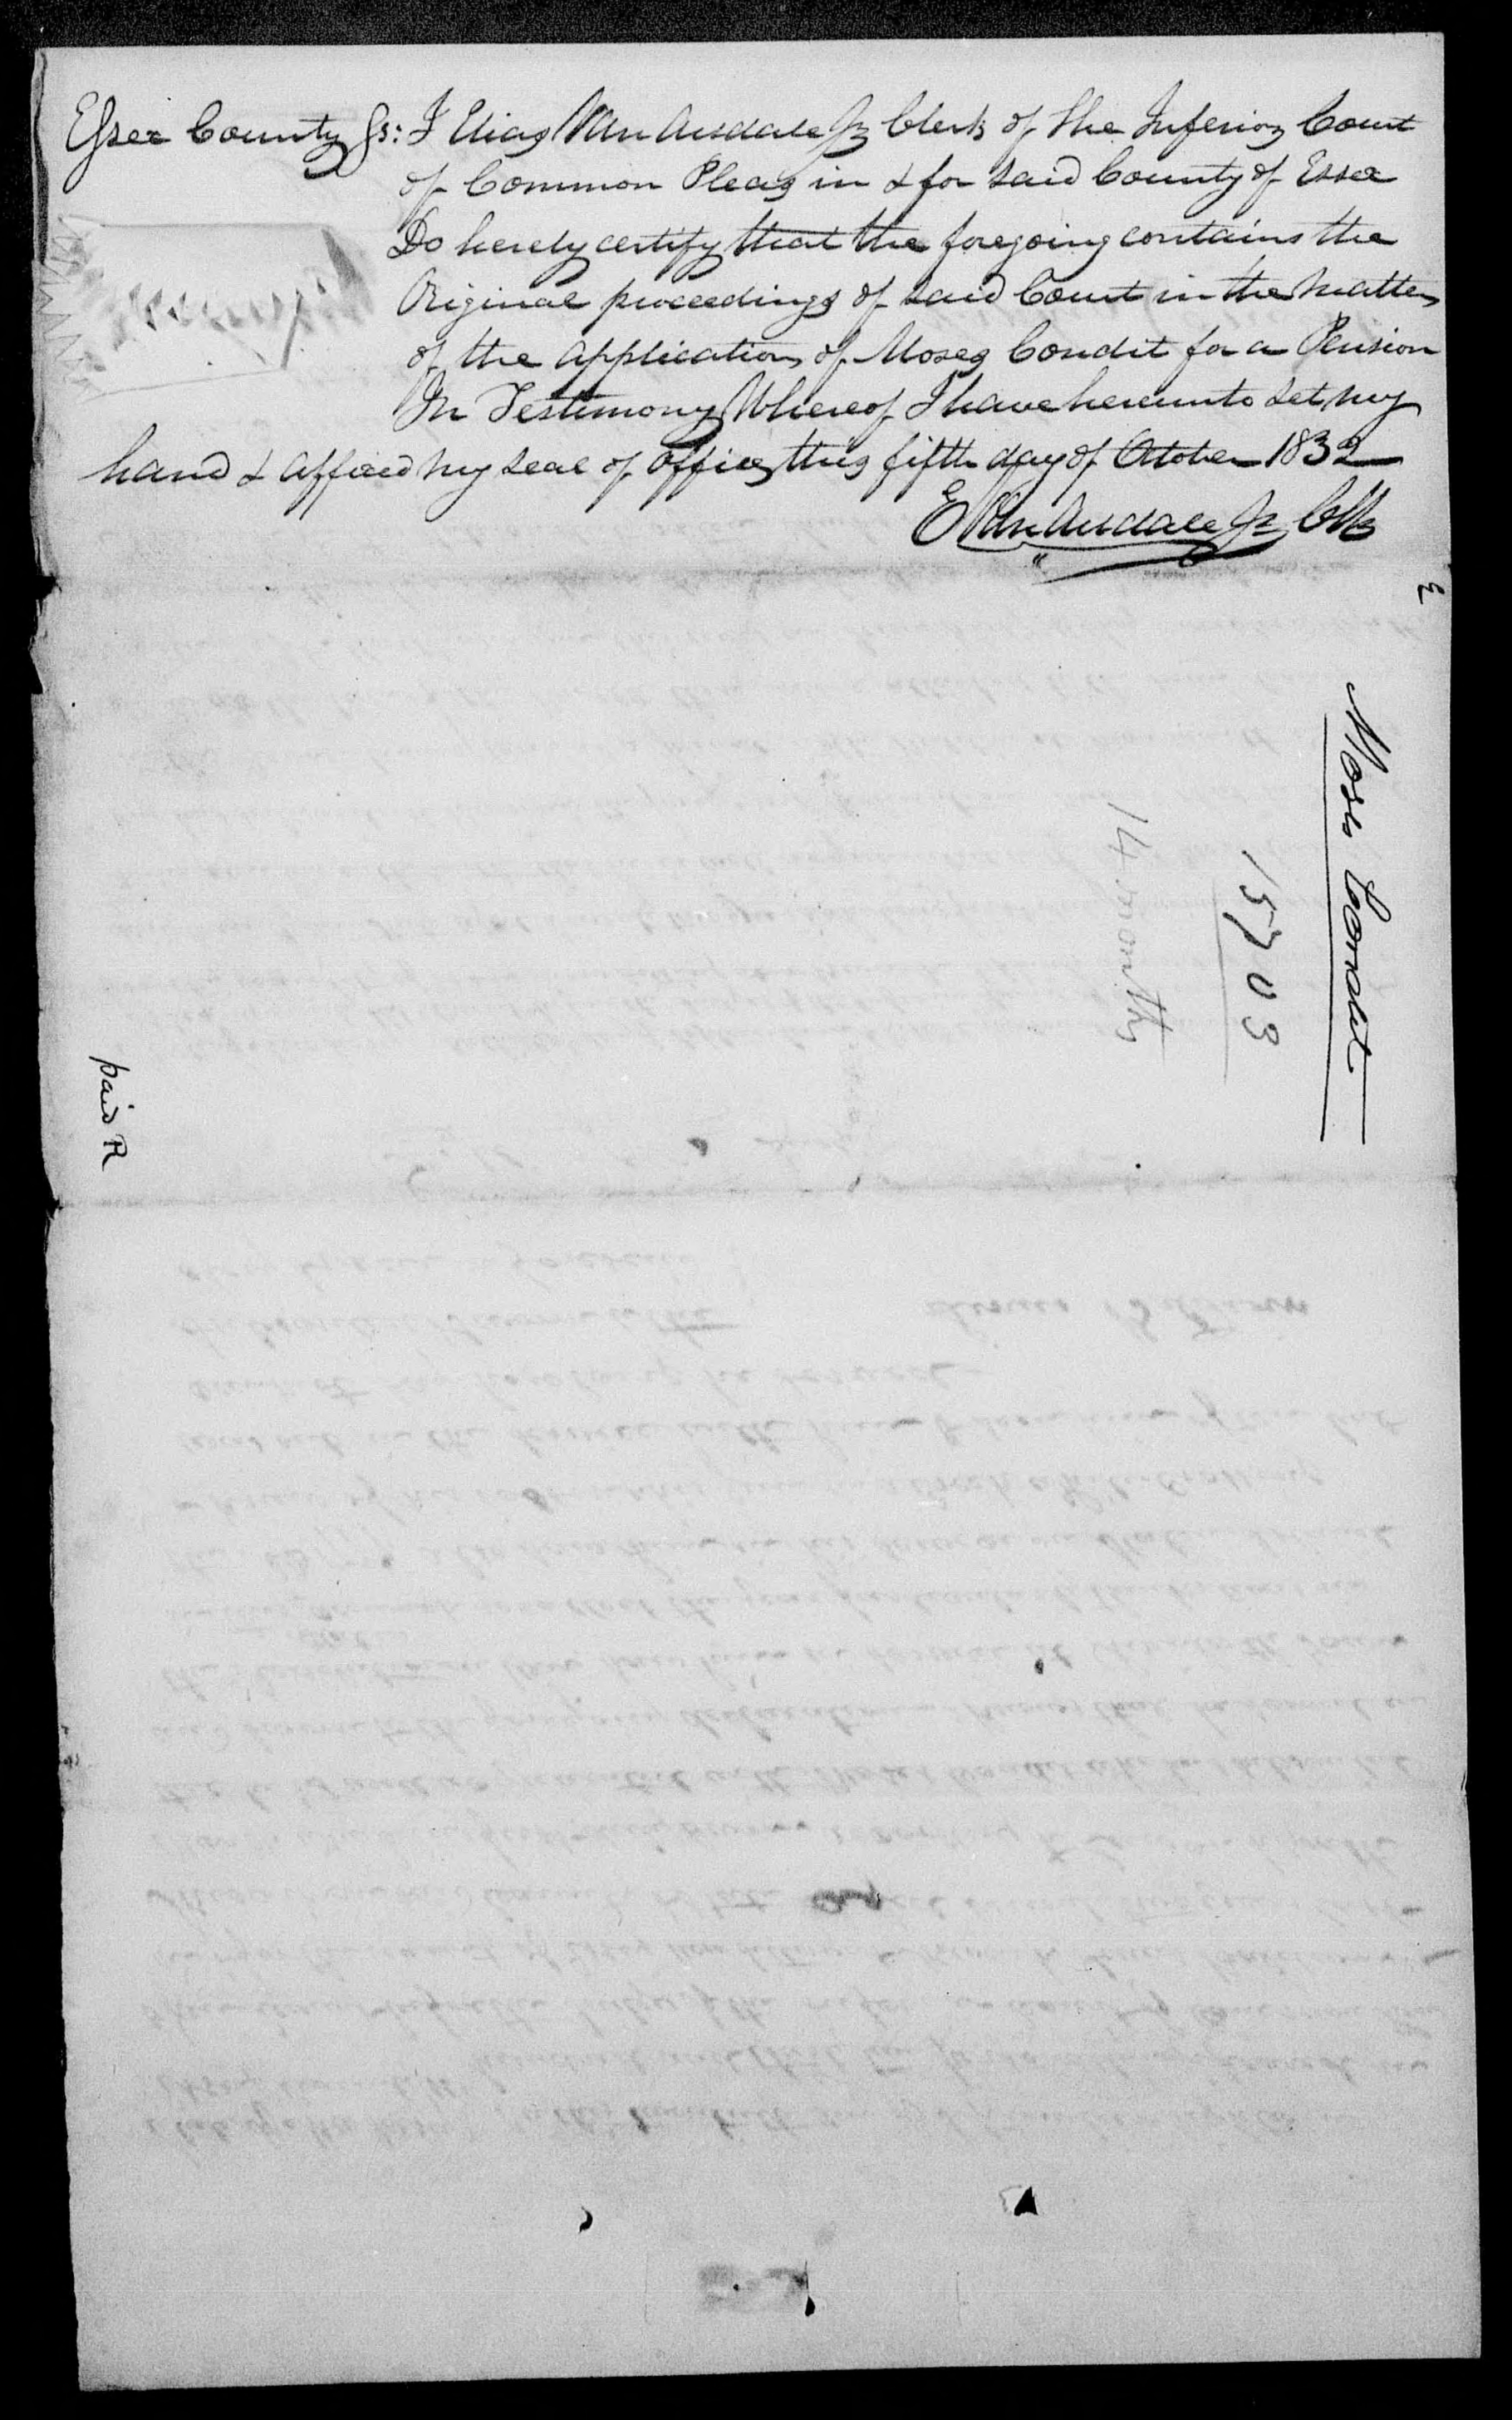[Handwritten]

Essex Couny Ss:
[Directly below are the remains of a seal.]

I Elias Van Arsdale Jr Clerk of the Inferior Court
of Common Pleas in & for said County of Essex
Do hereby certify that the foregoing contains the
Original proceedings of said Court in the matter
of the application of Moses Condit for a Pension
In Testimony Whereof I have hereunto set my
hand & affixed my seal of office this fifth day of October 1832

E Van Arsdale Jr  Clk

[Written crosswise]

E
Moses Condit [underlined]
157 08 [underlined]

14 months

[at bottom]
paid  R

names: Elias Van Arsdale, Moses Condit, E Van Arsdale, Moses Condit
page: 21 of 23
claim: survivor's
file: S. 3212, Moses Condit, New Jersey